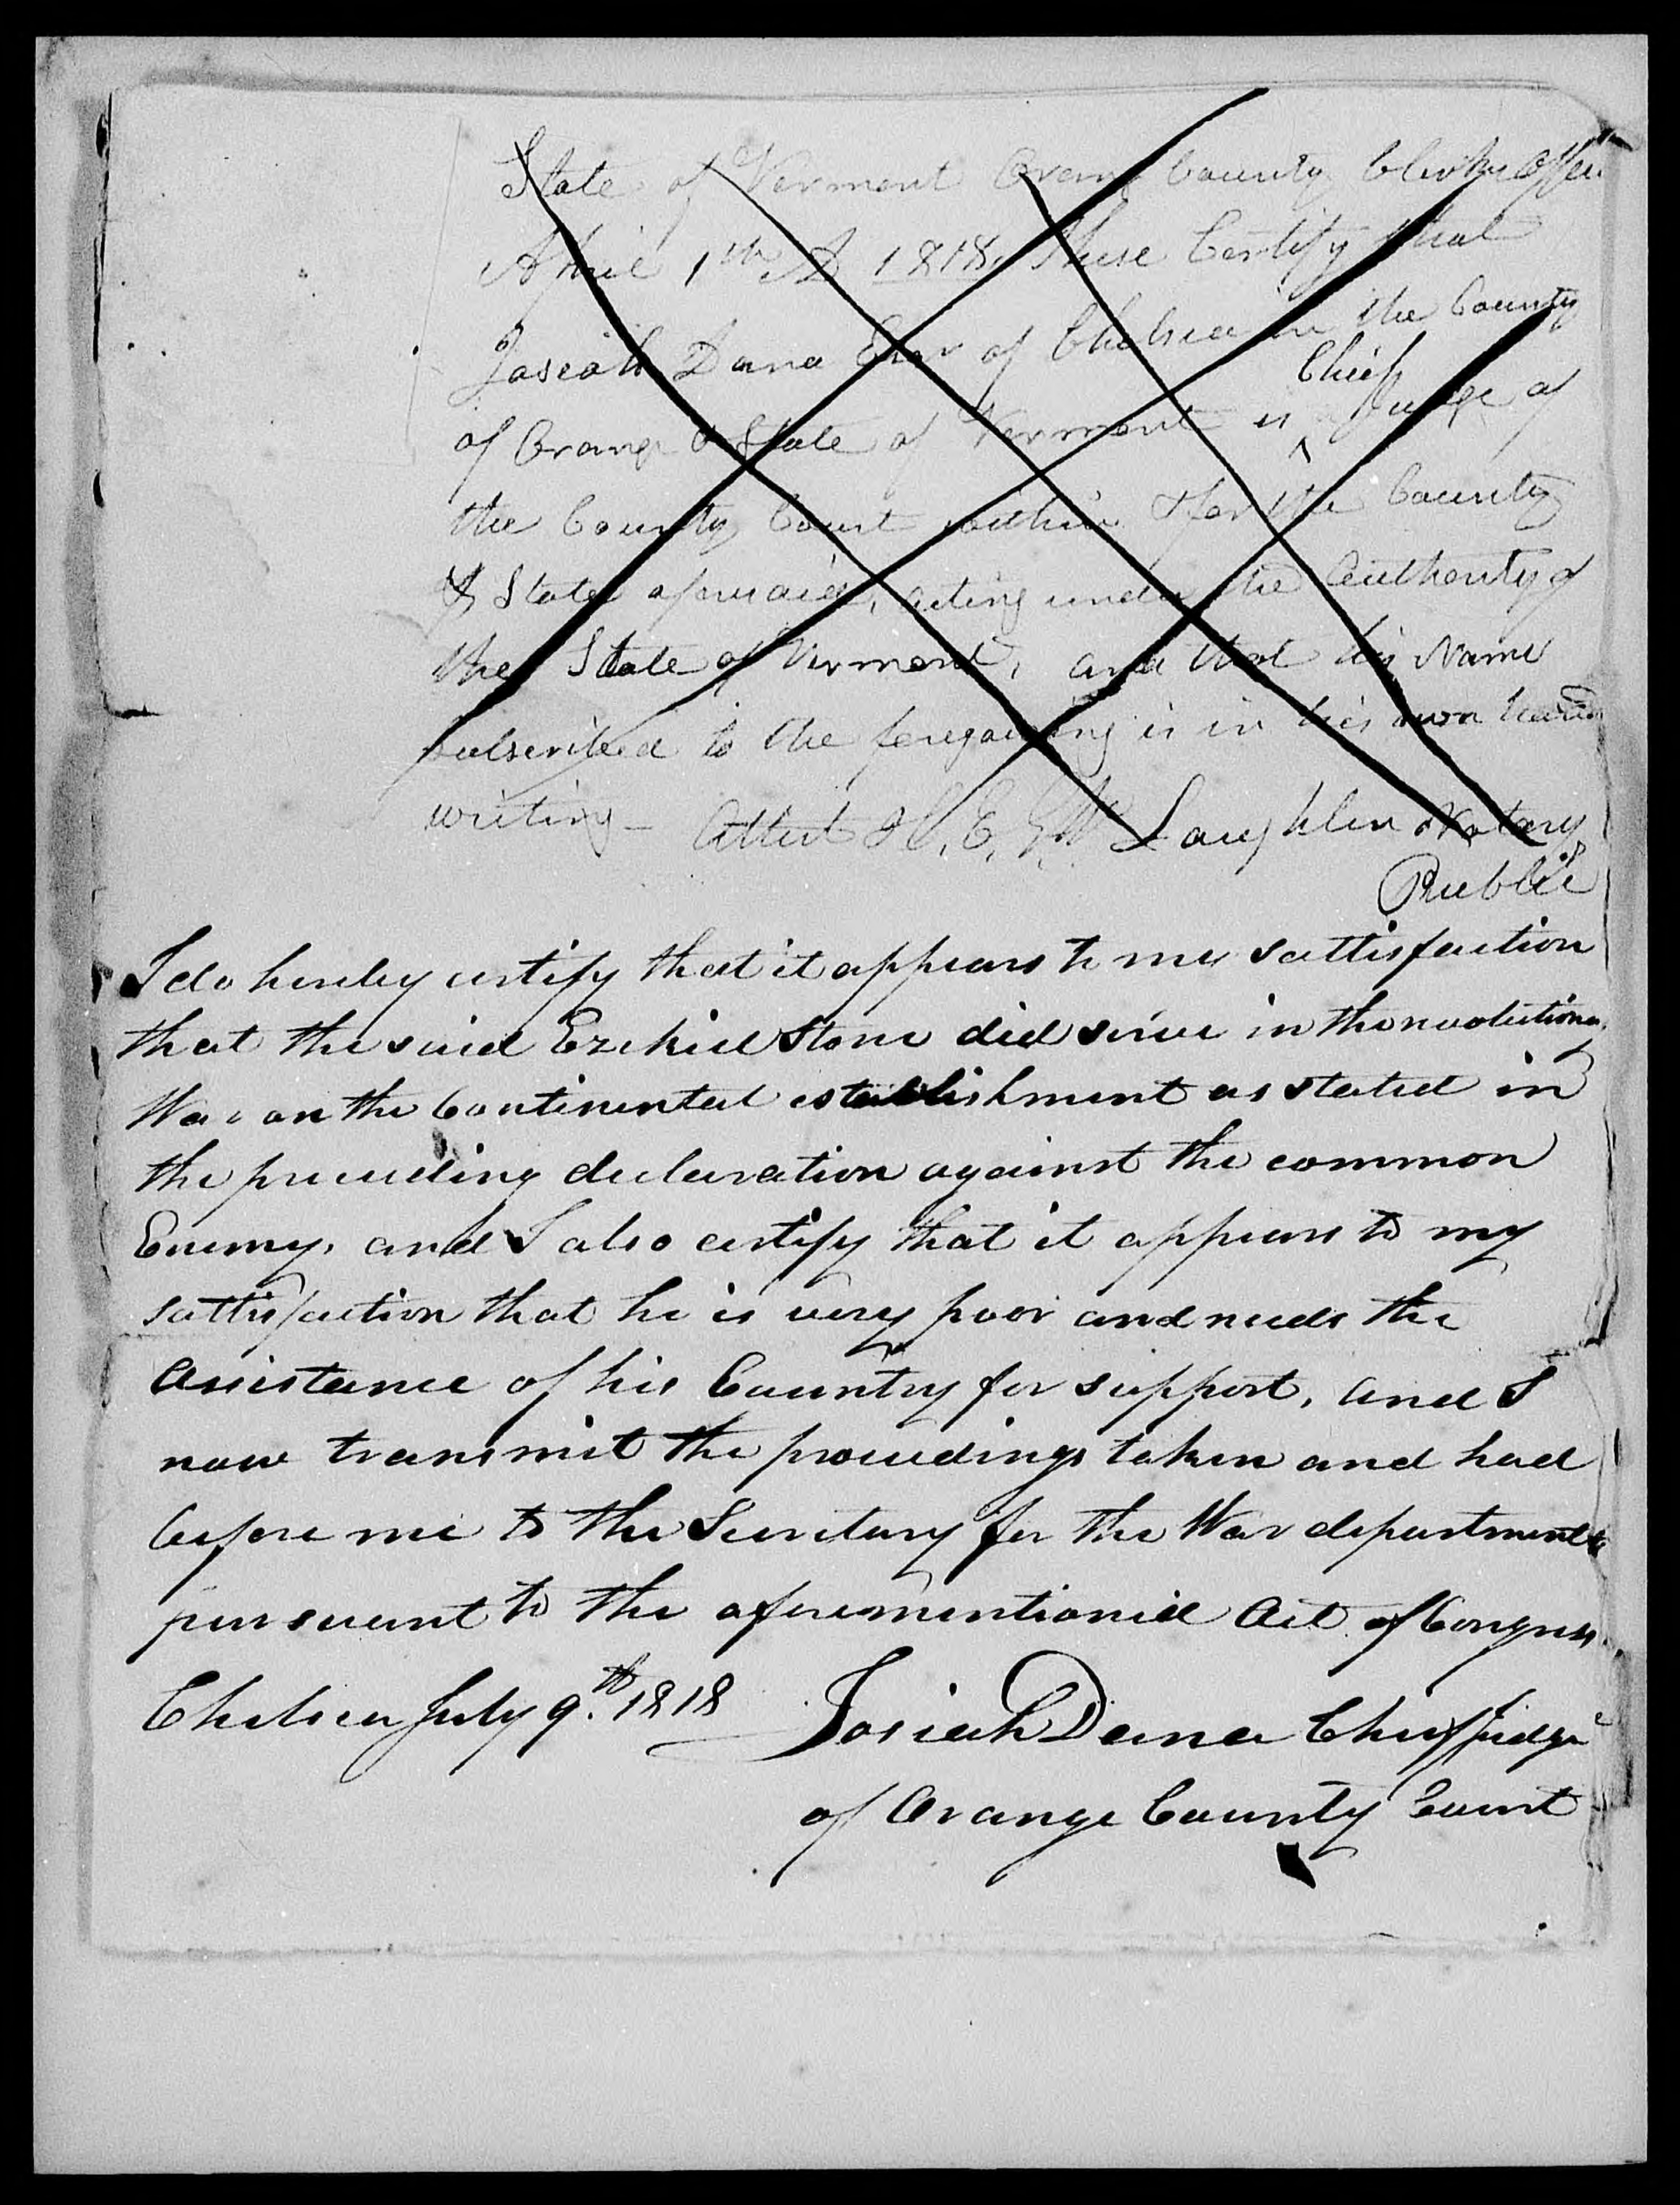[following entire passage crossed out on page]

State of Vermont Orange County Clerks Office
April 1st AD 1818.
These certify that Josiah Dana Esqr of Chelsea in the County of Orange & State of Vermont is Chief Judge of the County Court within & for the County & State aforesaid acting under the Authority of the State of Vermont and that his name subscribed to the foregoing is in his own hand writing-- 
Attest H.E.G. McLaughlin Notary Public
[end of stricken out passage]

I do hereby certify that it appears to me sattisfaction that the said Ezekiel Stone did serve in the revolutionary War on the Continental establishment as stated in the preceeding declaration against the common Enemy, and I also certify that it appears to my satisfaction that he is very poor and needs the assistance of his Country for support, and I now transmit the proceedings taken and had before me to the Secretary for the War department pursuant to the aforementioned Act of Congress 
Chelsea  July 9th 1818
Josiah Dana  Chief Judge of Orange County Court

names: H E G Mc Laughlin; Ezekiel Stone; Josiah Dana; Josiah Dana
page: 6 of 38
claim: survivor's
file: S. 43181, for Ezekiel Stone, New Hampshire